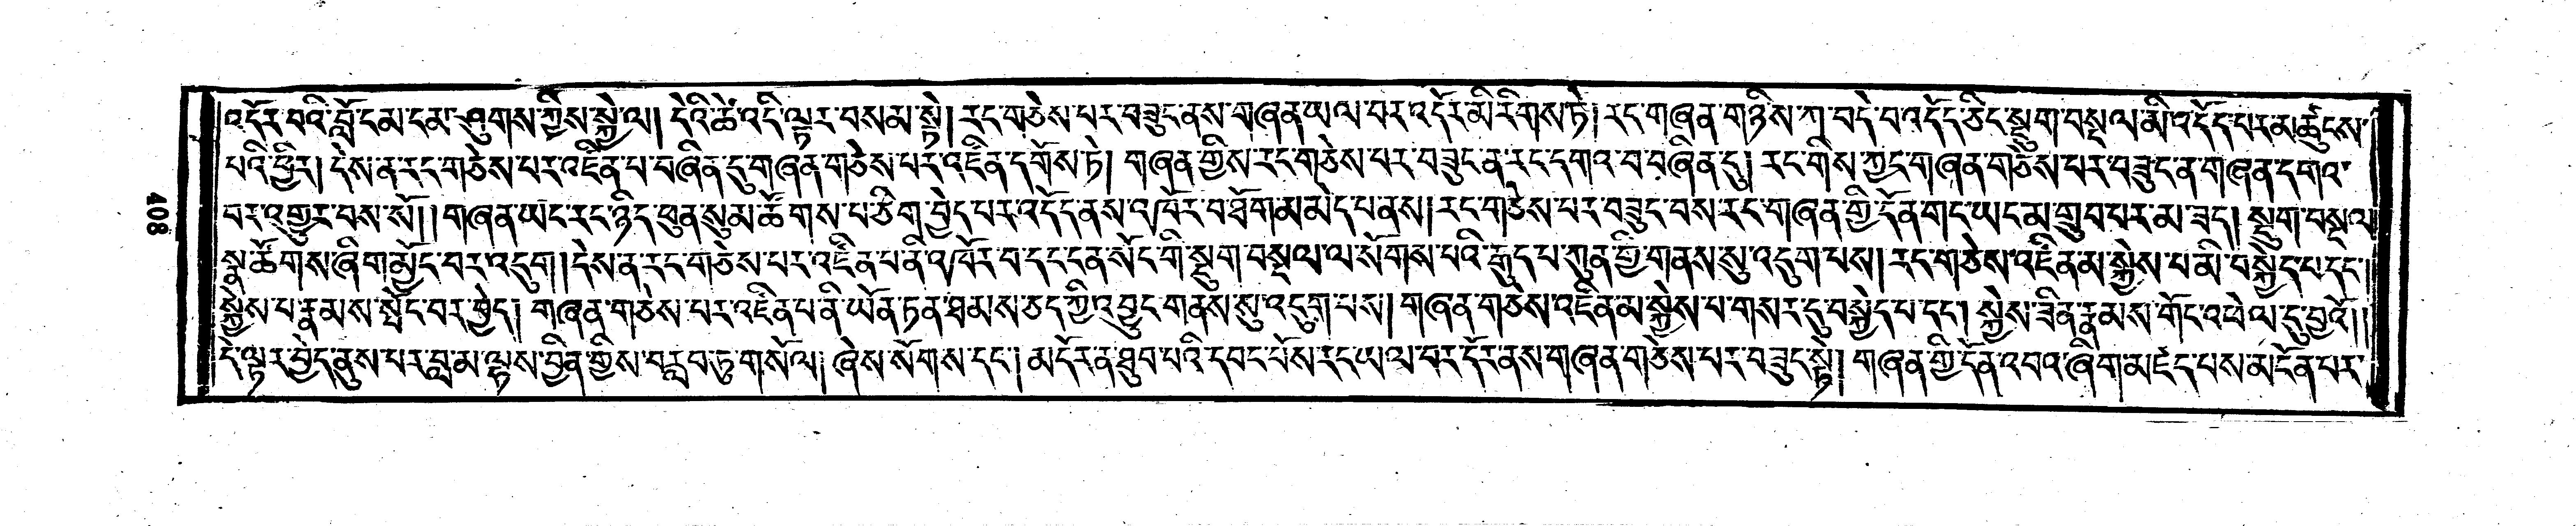འདོར་བའི་བློ་ངམ་ངམ་ཤུགས་ཀྱིས་སྐྱེ་ལ། དེའི་ཚེ་འདི་ལྟར་བསམ་སྟེ། རང་གཅེས་པར་བཟུང་ནས་གཞན་ཡལ་བར་འདོར་མི་རིགས་ཏེ། རང་གཞན་གཉིས་ཀ་བདེ་བ་འདོད་ཅིང་སྡུག་བསྔལ་མི་འདོད་པར་མཚུངས་
པའི་ཕྱིར། དེས་ན་རང་གཅེས་པར་འཛིན་པ་བཞིན་དུ་གཞན་གཅེས་པར་འཛིན་དགོས་ཏེ། གཞན་གྱིས་རང་གཅེས་པར་བཟུང་ན་རང་དགའ་བ་བཞིན་དུ། རང་གིས་ཀྱང་གཞན་གཅེས་པར་བཟུང་ན་གཞན་དགའ་
བར་འགྱུར་བས་སོ། །གཞན་ཡང་རང་ཉིད་ཕུན་སུམ་ཚོགས་པ་ཅིག་བྱེད་པར་འདོད་ནས་འཁོར་བ་ཐོག་མ་མེད་པ་ནས། རང་གཅེས་པར་བཟུང་བས་རང་གཞན་གྱི་དོན་གང་ཡང་མ་གྲུབ་པར་མ་ཟད། སྡུག་བསྔལ་
སྣ་ཚོགས་ཞིག་མྱོང་བར་འདུག །དེས་ན་རང་གཅེས་པར་འཛིན་པ་ནི་འཁོར་བ་དང་ངན་སོང་གི་སྡུག་བསྔལ་ལ་སོགས་པའི་རྒུད་པ་ཀུན་གྱི་གནས་སུ་འདུག་པས། རང་གཅེས་འཛིན་མ་སྐྱེས་བ་མི་བསྐྱེད་པ་དང་།
སྐྱེས་པ་རྣམས་སྤོང་བར་བྱེད། གཞན་གཅེས་པར་འཛིན་པ་ནི་ཡོན་ཏན་ཐམས་ཅད་ཀྱི་འབྱུང་གནས་སུ་འདུག་པས། གཞན་གཅེས་འཛིན་མ་སྐྱེས་པ་གསར་དུ་བསྐྱེད་པ་དང་། སྐྱེས་ཟིན་རྣམས་གོང་འཕེལ་དུ་བྱའོ། །
དེ་ལྟར་བྱེད་ནུས་པར་བླ་མ་ལྷས་བྱིན་གྱིས་བརླབ་ཏུ་གསོལ། ཞེས་སོགས་དང་། མདོར་ན་ཐུབ་པའི་དབང་པོས་རང་ཡལ་བར་དོར་ནས་གཞན་གཅེས་པར་བཟུང་སྟེ། གཞན་གྱི་དོན་འབའ་ཞིག་མཛད་པས་མངོན་པར་